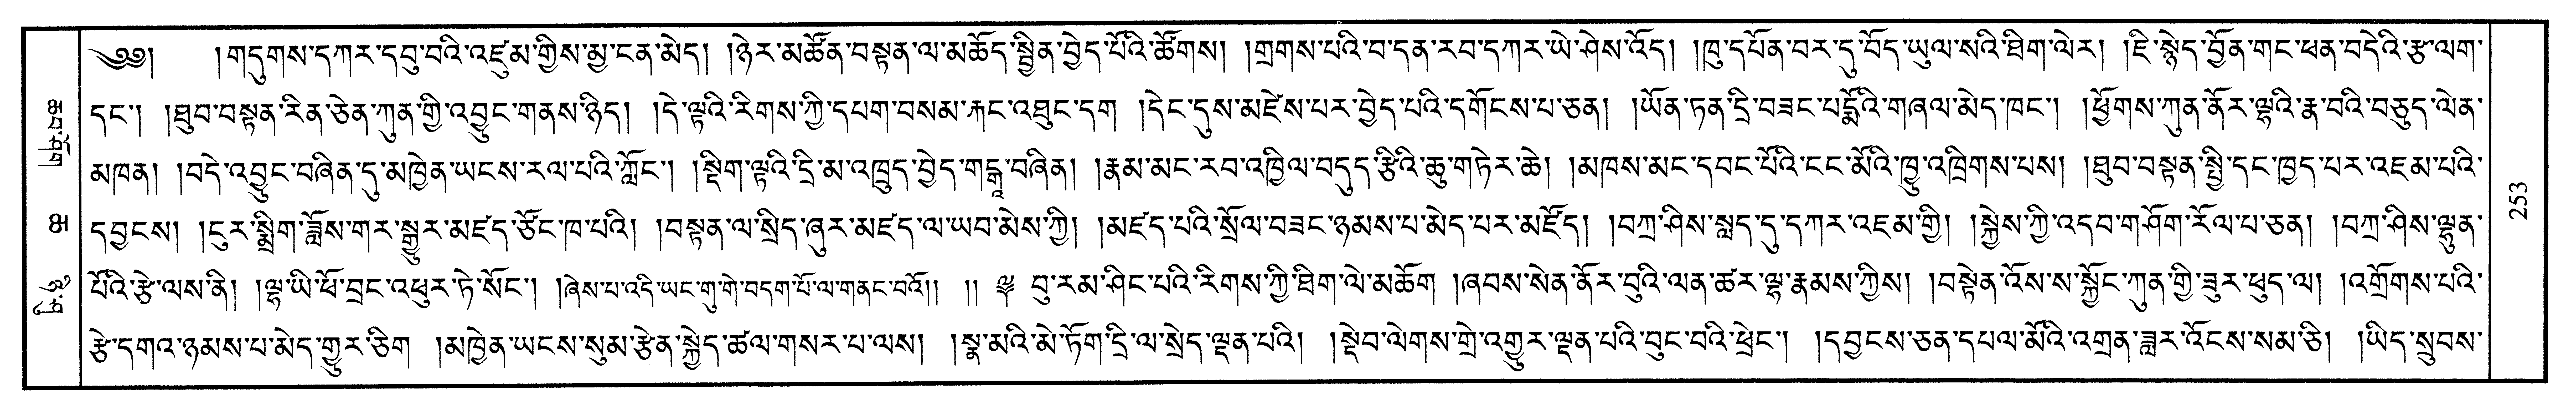༄༅། །གདུགས་དཀར་དབུ་བའི་འཛུམ་གྱིས་མྱ་ངན་མེད། །ཉེར་མཚོན་བསྟན་ལ་མཆོད་སྦྱིན་བྱེད་པའི་ཚོགས། །གྲགས་པའི་བ་དན་རབ་དཀར་ཡེ་ཤེས་འོད། །ཁུ་དཔོན་བར་དུ་བོད་ཡུལ་སའི་ཐིག་ལེར། །ཇི་སྙེད་བྱོན་གང་ཕན་བདེའི་རྩ་ལག་
དང་། །ཐུབ་བསྟན་རིན་ཅེན་ཀུན་གྱི་འབྱུང་གནས་ཉིད། །དེ་ལྟའི་རིགས་ཀྱི་དཔག་བསམ་རྐང་འཐུང་དག །དེང་དུས་མཛེས་པར་བྱེད་པའི་དགོངས་པ་ཅན། །ཡོན་ཏན་དྲི་བཟང་པདམོའི་གཞལ་མེད་ཁག། །ཕྱོགས་ཀུན་ནོར་ལྷའི་རྣ་བའི་བཅུད་ལེན་
མཁན། །བདེ་འབྱུང་བཞིན་དུ་མཁྱེན་ཡངས་རལ་པའི་ཀློང་། །སྡིག་ལྟའི་དྲི་མ་འཁྲུད་བྱེད་གངྒཱ་བཞིན། །རྣམ་མང་རབ་འཁྱིལ་བདུད་རྩིའི་ཆུ་གཏེར་ཆེ། །མཁས་མང་དབང་པོའི་ངང་མོའི་ཁྱུ་འཁྲིགས་པས། །ཐུབ་བསྟན་སྤྱི་དང་ཁྱད་པར་འཇམ་པའི་
དབྱངས། །ངུར་སྨྲིག་ཟློས་གར་སྒྱུར་མཛད་ཙོང་ཁ་པའི། །བསྟན་ལ་སྲིད་ཞུར་མཛད་ལ་ཡབ་མེས་ཀྱི། །མཛད་པའི་སྲོལ་བཟང་ཉམས་པ་མེད་པར་མཛོད། །བཀྲ་ཤིས་སླད་དུ་དཀར་འཇམ་གྱི། །སྐྱེས་ཀྱི་འདབ་གཤོག་རོལ་པ་ཅན། །བཀྲ་ཤིས་ལྷུན་
པོའི་རྩེ་ལས་ནི། །ལྷ་ཡི་ཕོ་བྲང་འཕུར་ཏེ་སོང་། །ཞེས་པ་འདི་ཡང་གུ་གེ་བདག་པོ་ལ་གནང་བའོ།། །། ༈ བུ་རམ་ཤིང་པའི་རིགས་ཀྱི་ཐིག་ལེ་མཆོག །ཞབས་སེན་ནོར་བུའི་ལན་ཚར་ལྷ་རྣམས་ཀྱིས། །བསྟེན་འོས་ས་སྐྱོང་ཀུན་གྱི་ཟུར་ཕུད་ལ། །འགྲོགས་པའི་
རྩེ་དགའ་ཉམས་པ་མེད་གྱུར་ཅིག །མཁྱེན་ཡངས་སུམ་རྩེན་སྐྱེད་ཚལ་གསར་པ་ལས། །སྣ་མའི་མེ་ཏོག་དྲི་ལ་སྲེད་ལྡན་པའི། །སྡེབ་ལེགས་གྲེ་འགྱུར་ལྡན་པའི་བུང་བའི་ཕྲེང་། །དབྱངས་ཅན་དཔལ་མོའི་འགྲན་ཟླར་འོངས་སམ་ཅི། །ཡིད་སྲུབས་